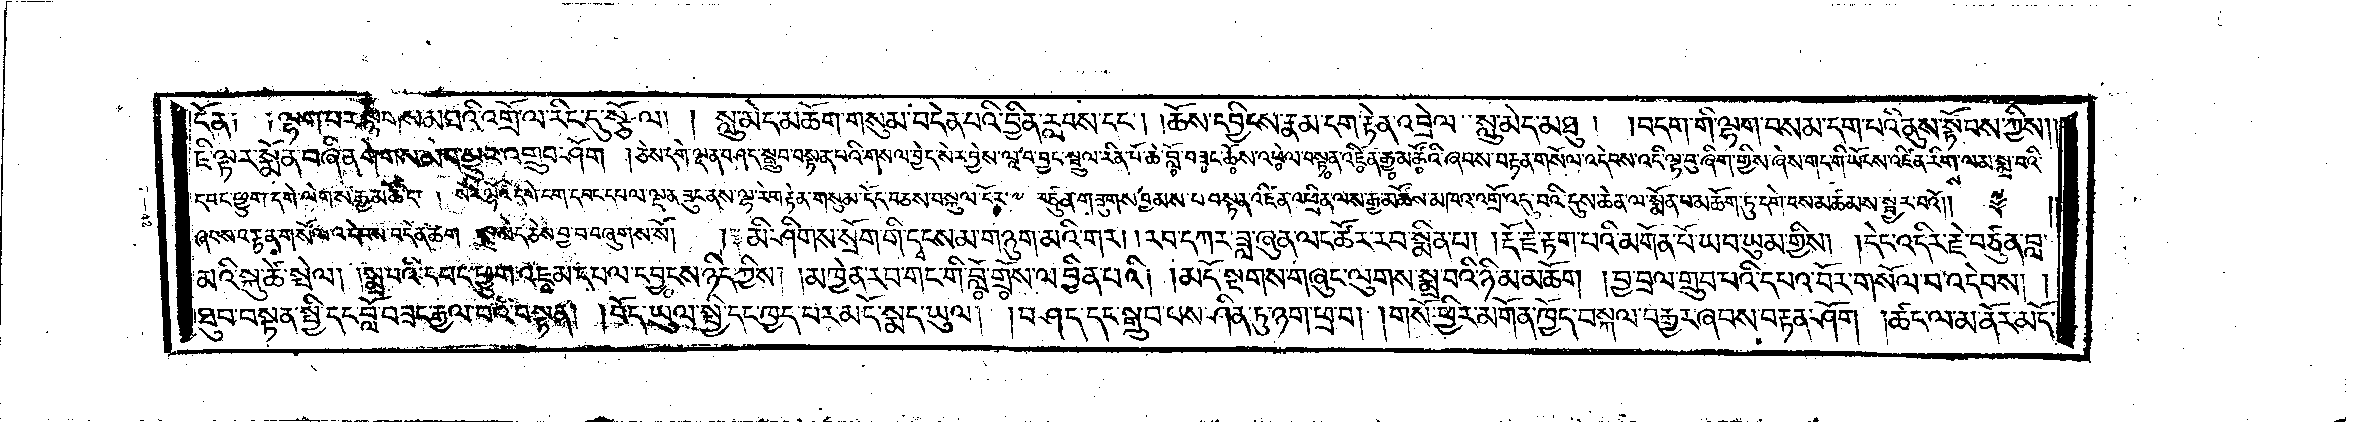དོན༑ ༑ལྷག་པར་སྙིགས་མཐའི་འགྲོ་ལ་རིང་དུ་སྩོལ། །སླུ་མེད་མཆོག་གསུམ་བདེན་པའི་བྱིན་རླབས་དང་། །ཆོས་དབྱིངས་རྣམ་དག་རྟེན་འབྲེལ་སླུ་མེད་མཐུས། །བདག་གི་ལྷག་བསམ་དག་པའི་ནུས་སྟོབས་ཀྱིས།།
ཇི་ལྟར་སྨོན་བཞིན་གེགས་མེད་མྱུར་འགྲུབ་ཤོག །ཅེས་དགེ་ལྡན་བཤད་སྒྲུབ་བསྟན་པའི་གསལ་བྱེད་སེར་བྱེས་ལཱ་བ་བྱང་སྤྲུལ་རིན་པོ་ཆེ་བློ་བཟང་ཆོས་འཕེལ་བསྟན་འཛིན་རྒྱ་མཚོའི་ཞབས་བརྟན་གསོལ་འདེབས་འདི་ལྟ་བུ་ཞིག་གྱིས་ཞེས་གང་གི་ཡོངས་འཛིན་རིགས་ལམ་སྨྲ་བའི་
དབང་ཕྱུག་དགེ་ལེགས་རྒྱ་མཚོ་དང་། སེར་ལྷོའི་དགེ་ངག་དབང་དཔལ་ལྡན་ཟུང་ནས་ལྷ་རེག་རྟེན་གསུམ་དོད་བཅས་བསྐུལ་ངོར ༧བཙུན་གཟུགས་བྱམས་པ་བསྟན་འཛིན་འཕྲིན་ལས་རྒྱ་མཚོས་མཁའ་འགྲོ་འདུ་བའི་དུས་ཆེན་ལ་སྨོན་པ་མཆོག་ཏུ་དགེ་བས་མཚམས་སྦྱར་པའོ།། ༈ །།
ཞབས་བརྟན་གསོལ་འདེབས་བདེན་ཚིག་སླུ་མེད་ཅེས་བྱ་བ་བཞུགས་སོ། ། ༈ མི་ཤིགས་སྲོག་གི་དྭངས་མ་གཉུག་མའི་གར། །རབ་དཀར་ཟླ་ཞུན་ལང་ཚོར་རབ་སྨིན་པ། །རྡོ་རྗེ་རྟག་པའི་མགོན་པོ་ཡབ་ཡུམ་གྱིས། །དེད་འདིར་རྗེ་བཙུན་བླ་
མའི་སྐུ་ཚེ་སྤེལ། །སྨྲ་བའི་དབང་ཕྱུག་འཇམ་དཔལ་དབྱངས་ཉིད་ཀྱིས། །མཁྱེན་རབ་གང་གི་བློ་གྲོས་ལ་བྱིན་པའི། །མདོ་སྔགས་གཞུང་ལུགས་སྨྲ་བའི་ཉི་མ་མཆོག །བྱ་བྲལ་གྲུབ་པའི་དཔའ་བོར་གསོལ་བ་འདེབས། །
ཐུབ་བསྟན་སྤྱི་དང་བློ་བཟང་རྒྱལ་བའི་བསྟན། །བོད་ཡུལ་སྤྱི་དང་ཁྱད་པར་མདོ་སྨད་ཡུལ། །བཤད་དང་སྒྲུབ་པས་ཤིན་ཏུ་ཉག་ཕྲག །གསོ་ཕྱིར་མགོན་ཁྱོད་བསྐལ་བརྒྱར་ཞབས་བརྟན་ཤོག །ཚང་ལམ་ནོར་མདོ་